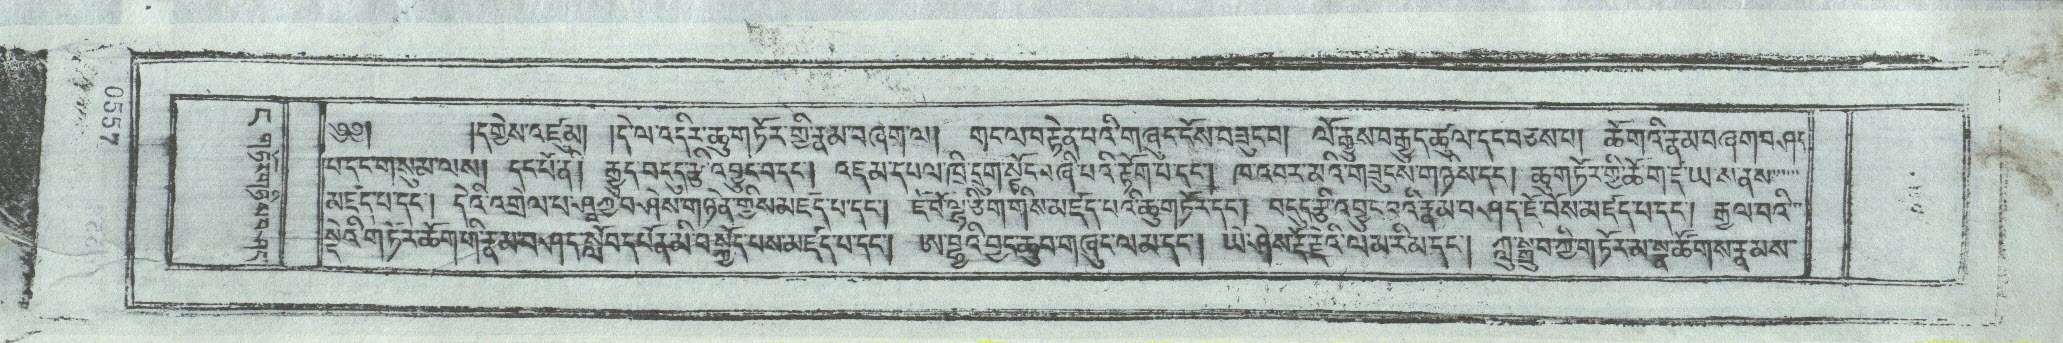༄༅། །དགྱེས་འཛུམ། །དེ་ལ་འདིར་ཆུ་གཏོར་གྱི་རྣམ་བཞག་ལ། གང་ལ་བརྟེན་པའི་གཞུང་ངོས་བཟུང་བ། ལོ་རྒྱུས་བརྒྱུད་ཚུལ་དང་བཅས་པ། །ཆོ་གའི་རྣམ་བཞག་བཤད་
པ་དང་གསུམ་ལས། དང་པོ་ནི། རྒྱུད་བདུད་རྩི་འབྱུང་བ་དང་། འཇམ་དཔལ་ཁྲི་དྲུག་སྟོང་བཞི་པའི་རྟོག་པ་དང་། ཁ་འབར་མའི་གཟུངས་གཉིས་དང་། ཆུ་གཏོར་གྱི་ཆོ་ག་ཛ་ཡ་ས་ནས་
མཛད་པ་དང་། དེའི་འགྲེལ་པ་ཤཱཀྱ་བཤེས་གཉེན་གྱིས་མཛད་པ་དང་། ཇོ་བོ་ལྷ་ཅིག་གིས་མཛད་པའི་ཆུ་གཏོར་དང་། བདུད་རྩི་འབྱུང་བའི་རྣམ་བཤད་ཇོ་བོས་མཛད་པ་དང་། རྒྱལ་བའི་
སྡེའི་གཏོར་ཆོག་གི་རྣམ་བཤད་སློབ་དཔོན་མི་བསྐྱོད་པས་མཛད་པ་དང་། ཨ་བྷྱའི་བྱང་ཆུབ་གཞུང་ལམ་དང་། ཡེ་ཤེས་རྡོ་རྗེའི་ལམ་རིམ་དང་། ཀླུ་སྒྲུབ་ཀྱི་གཏོར་མ་སྣ་ཚོགས་རྣམས་